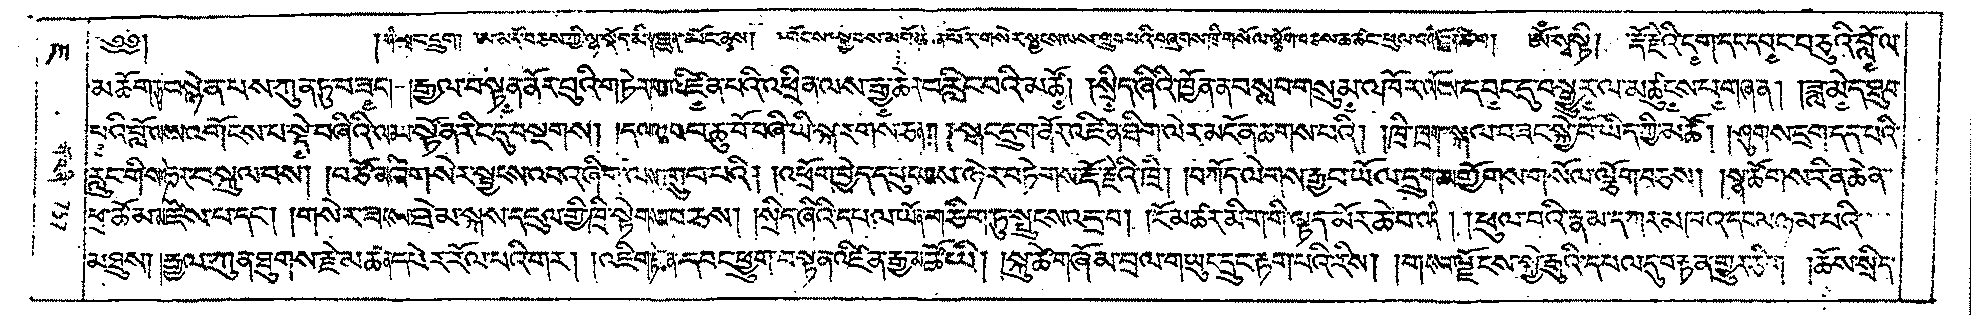༄༅། །བཞི་སྒང་དྲུག །ཨ་མདོ་བཅས་ཀྱི་ལྷ་སྡོད་མི་སྣ་ཐུན་མོང་ནས། ༧གོང་ས་༧སྐྱབས་མགོན་ཆེན་པོར་གསེར་སྦྱངས་ལས་གྲུབ་པའི་བཞུགས་ཁྲི་གསོལ་ལྕོག་བཅས་ཆ་ཚང་ཕུལ་བའི་སྨོན་ཚིག ། ཨོཾ་སྭ་སྟི། རྡོ་རྗེའི་ངག྾་དང་དབང྾་བཅུའི་བློ྾་ལ་
མཆོག་ཏུ་བསྙེན་པས་ཀུན་ཏུ་བཟང྾། །རྒྱལ་བསྟན྾་ནོར་བུའི་གཏེར་ཁ་འཛིན྾་པའི་འཕྲིན་ལས་རྒྱ྾་ཆེར་བརླིང་བའི་མཚོ྾། །སྲིད྾་ཞིའི་ཁྱོན་ན་བསླབ་གསུམ྾་འཁོར་ལོས་དབང྾་དུ་བསྒྱུར྾་ལ་མཚུངས྾་པ྾་གཞན། །ཟླ་མེད྾་ཐུབ་
པའི྾་བློ་ལས་འགོངས་པ་སྡེ྾་བཞིའི་ལམ་སྟོན་རིང་དུ་བསྔགས། །དལ་འབབ་ཆུ་བོ་བཞི་ཡི་སྐ་རགས་ཅན། །སྒང་དྲུག་ནོར་འཛིན་ཐིག་ལེར་མངོན་ཆགས་པའི། །ཁྲི་ཁྲག་སྐལ་བཟང་སྐྱེ་བོ་ཡིད་ཀྱི་མཚོ། །ཤུགས་དྲག་དད་པའི་
རླུང་གིས་ཉེར་བསྐུལ་བས། །བཙོ་མའི་གསེར་སྦྱངས་འབའ་ཞིག་ལས་གྲུབ་པའི། །འཕྲོག་བྱེད་དཔུང་པས་ཉེར་བཏེགས་རྡོ་རྗེའི་ཁྲི། །བཀོད་ལེགས་རྒྱབ་ཡོལ་དྲུག་མགྱོགས་གསོལ་ལྕོག་བཅས། །སྣ་ཚོགས་རིན་ཆེན་
ཕྲ་ཚོམ་མཛེས་པ་དང་། །གསེར་ཟངས་ཐེམ་སྐས་དངུལ་གྱི་ཁྲི་སྟེགས་བཅས། །སྲིད་ཞིའི་དཔལ་ཡོན་གཅིག་ཏུ་སྤུངས་འདྲ་བ། །ངོ་མཚར་མིག་གི་ལྟད་མོར་ཆེ་བ་འདི། །ཕུལ་བའི་རྣམ་དཀར་མཁའ་དང་མཉམ་པའི་
མཐུས། །རྒྱལ་ཀུན་ཐུགས་རྗེ་མཚན་དཔེར་རོལ་པའི་གར། །འཇིག་རྟེན་དབང་ཕྱུག་བསྟན་འཛིན་རྒྱ་མཚོ་ཡི། །སྐུ་ཚེ་གཞོམ་བྲལ་གཡུང་དྲུང་རྟག་པའི་རིས། །གངས་ལྗོངས་སྐྱེ་རྒུའི་དཔལ་དུ་བརྟན་གྱུར་ཅིག །ཆོས་སྲིད་